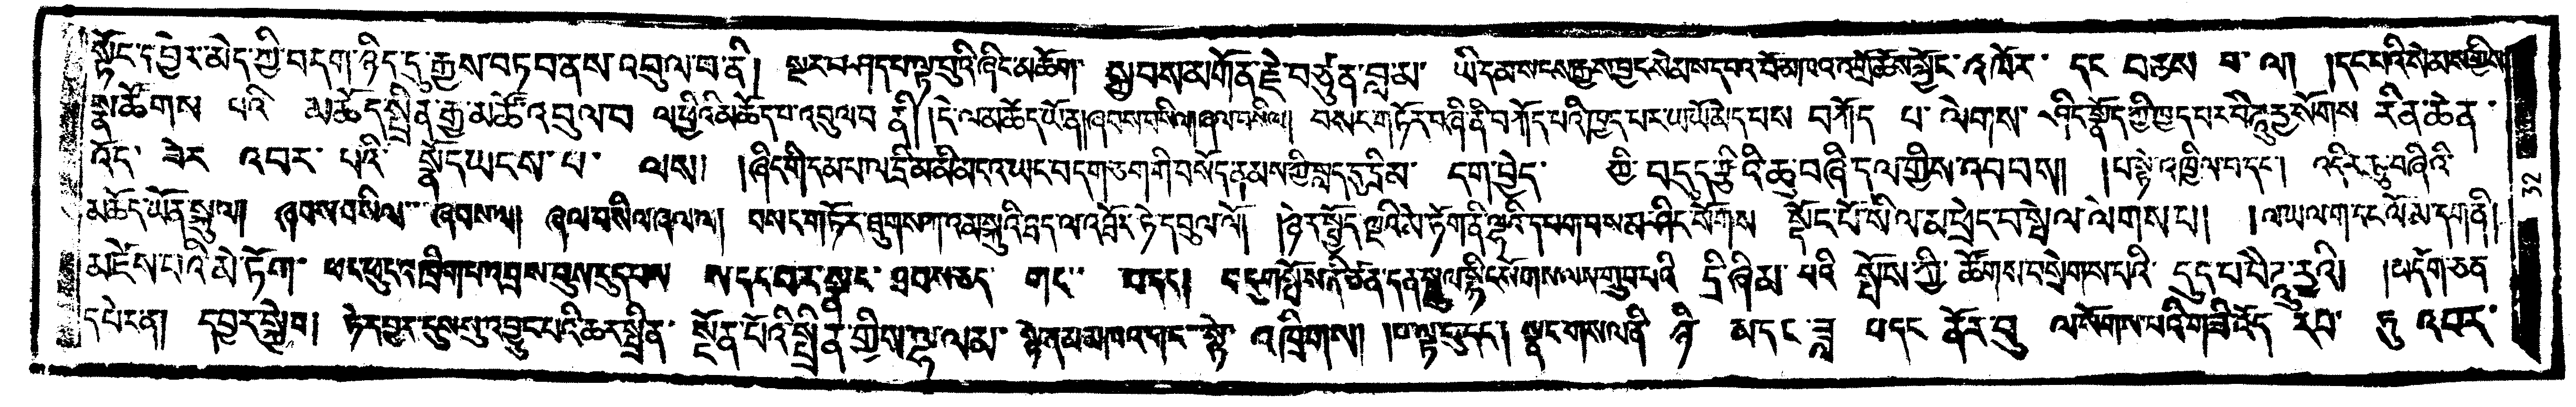སྟོང་དབྱེར་མེད་ཀྱི་བདག་ཉིད་དུ་རྒྱས་བཏབ་ནས་འབུལ་བ་ནི། སྔར་བཤད་པ་ལྟ་བུའི་ཞིང་མཆོག་སྐྱབས་མགོན་རྗེ་བཙུན་བླ་མ་ཡི་དམ་སངས་རྒྱས་བྱང་སེམས་དཔའ་བོ་མཁའ་འགྲོ་ཆོས་སྐྱོང་འཁོར་དང་བཅས་པ་ལ། །དང་པའི་སེམས་ཀྱིས་
སྣ་ཚོགས་པའི་མཆོད་སྤྲིན་རྒྱ་མཚོ་འབུལ་བ་ལ་ཕྱིའི་མཆོད་པ་འབུལ་བ་ནི། །དེ་ལ་མཆོད་ཡོན། ཞབས་བསིལ། ཞལ་བསིལ། བསང་གཏོར་བཞི་ནི་བཀོད་པའི་ཁྱད་པར་ཡ་ཡོ་མེད་པས་བཀོད་པ་ལེགས་ཤིང་སྣོད་ཀྱི་ཁྱད་པར་བཻཌཱུརྱ་སོགས་རིན་ཆེན་
འོད་ཟེར་འབར་པའི་སྣོད་ཡངས་པ་ལས། །ཞིང་གི་དམ་པ་ལ་དྲི་མ་མི་མངའ་ཡང་བདག་ཅག་གི་བསོད་ནམས་ཀྱི་སླད་དུ་དྲི་མ་དག་བྱེད་ཀྱི་བདུད་རྩིའི་ཆུ་བཞི་དལ་གྱིས་འབབས། །པ་སྟེ་འཁྱིལ་བ་དང་། འདིར་ཏུ་བཞིའི་
མཆོད་ཡོན་སྐུལ། ཞབས་བསིལ་ཞབས་ལ། ཞལ་བསིལ་ཞལ་ལ། བསང་གཏོར་ཐུགས་ཀའམ་སྐུའི་ཐད་ལ་འཐོར་ཏེ་དབུལ་ལོ། །ཉེར་སྤྱོད་ལྔའི་མེ་ཏོག་ནི་ལྷའི་དཔག་བསམ་ཤིང་སོགས་སྡོང་པོ་སིལ་མ་ཕྲེང་བ་སྤེལ་ལེགས་པ། །ལ་ཡལ་ག་དང་ལོ་མ་དག་ནི།
མཛེས་པའི་མེ་ཏོག་ཕར་ཕུང་འཁྲིག་པ་འབྲས་བུས་དུད་པས་ས་དང་བར་སྣང་ཐམས་ཅད་གང་བ་དང་། བདུག་སྤོས་ནི་ཙན་དན་སྦྲུལ་སྙིང་སོགས་ལས་གྲུབ་པའི་དྲི་ཞིམ་པའི་སྤོས་ཀྱི་ཚོགས་བསྲེགས་པའི་དུད་པ་བཻཌཱུ་རྱའི། །མདོག་ཅན་
དཔེར་ན། དབྱར་སྐྱེ་བ། ཏེ་དབྱར་དུས་སུ་འབྱུང་པའི་ཆར་སྤྲིན་སྔོན་པོའི་སྤྲིན་གྱིས་ལྷ་ལམ་སྟེ་ནམ་མཁའ་གང་སྟེ་འཁྲིགས། །བ་ལྟ་བུ་དང་། སྣང་གསལ་ནི་ཉི་མ་དང་ཟླ་བ་དང་ནོར་བུ་ལ་སོགས་པའི་གཟི་འོད་རབ་ཏུ་འབར་